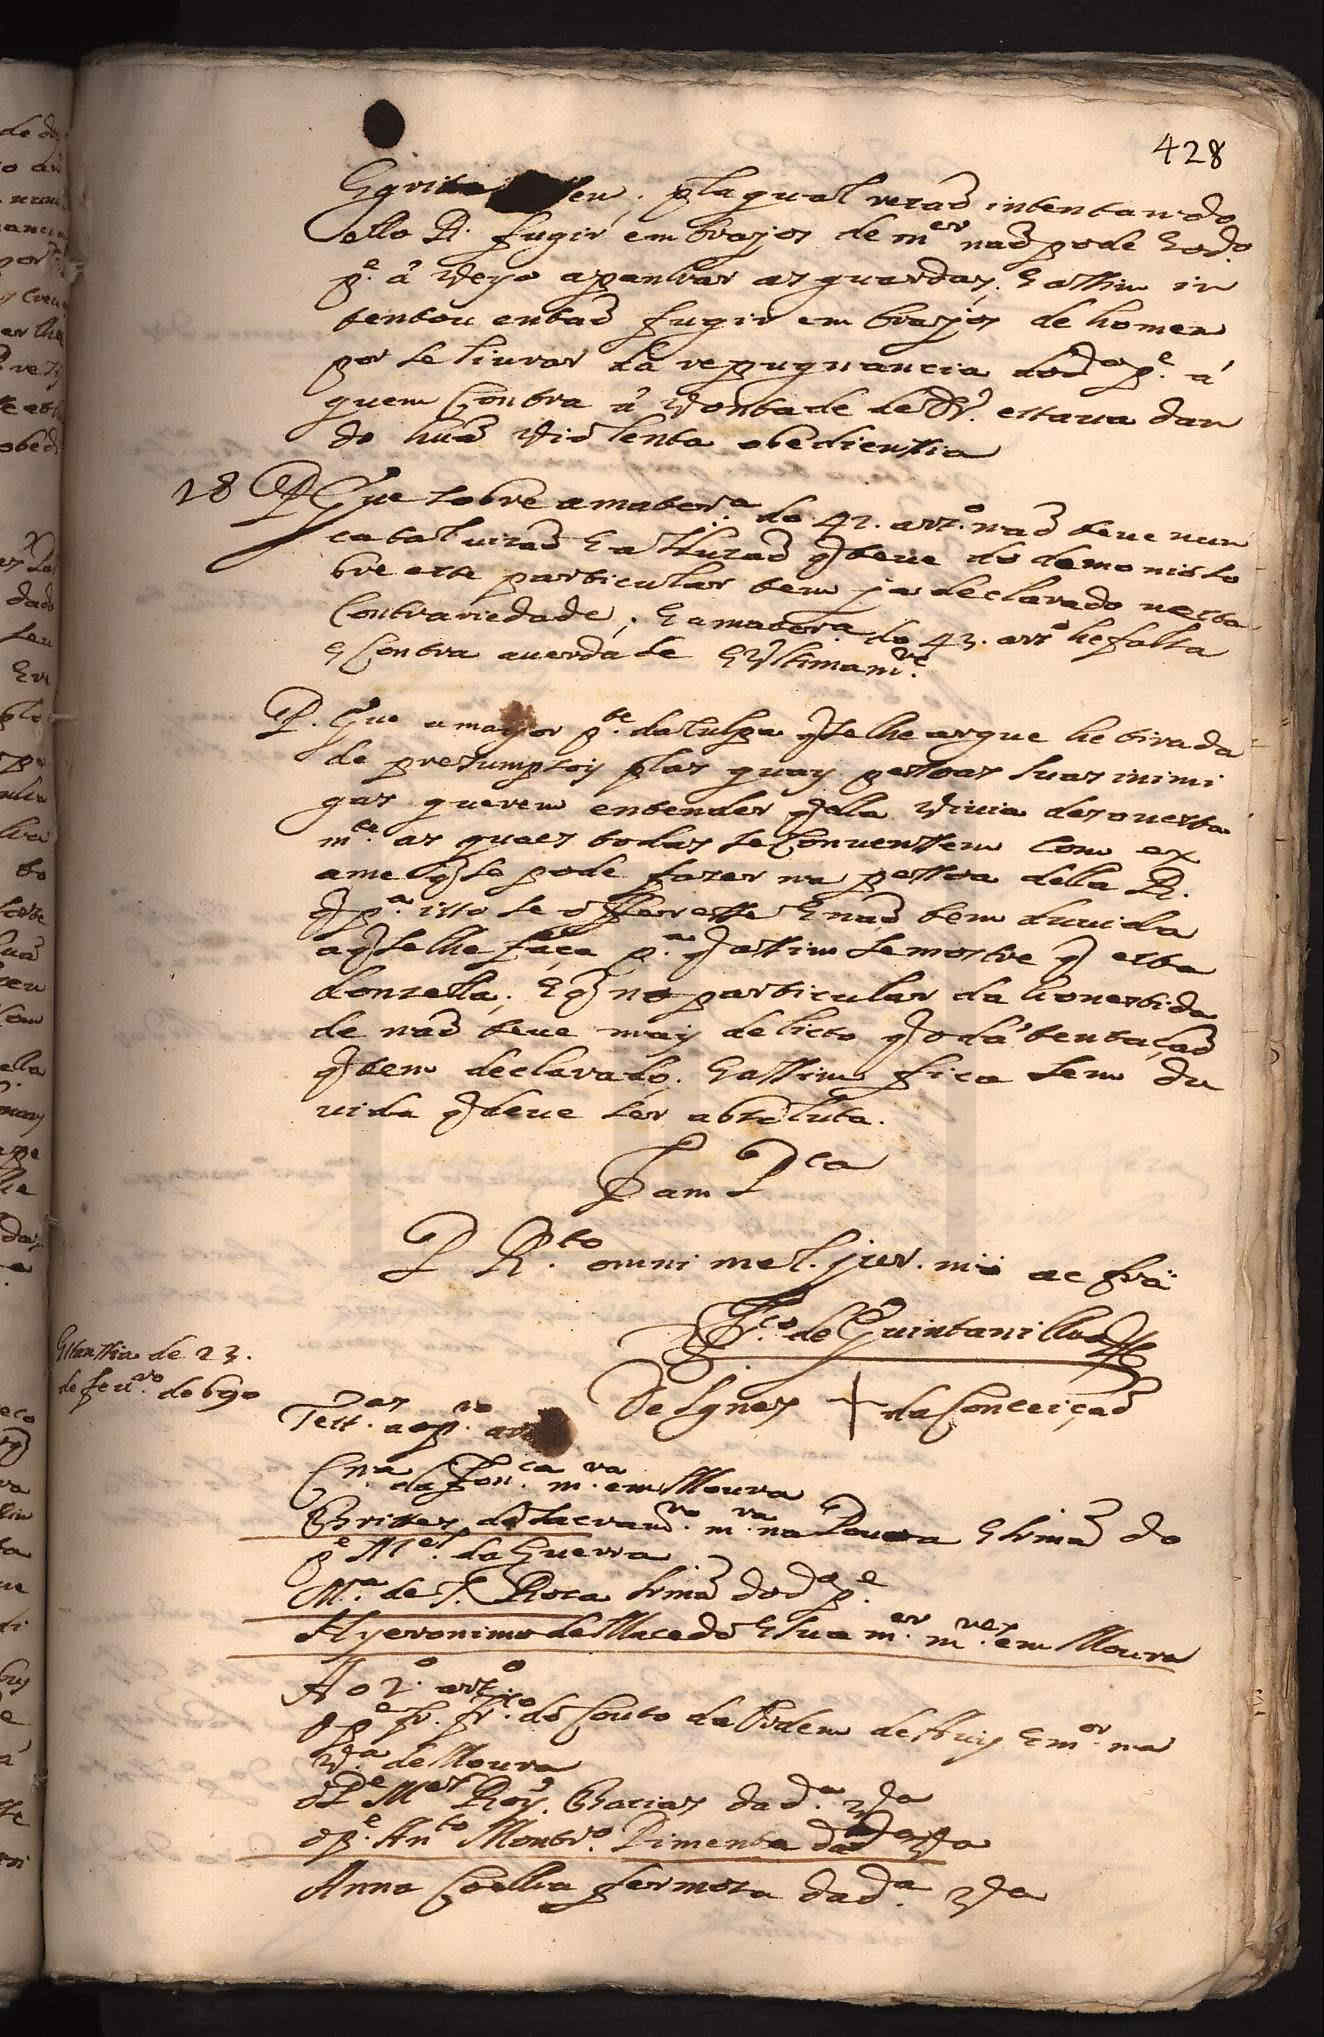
428
pla qual rezaõ intentando
ella R. fugir em trajos de mer naõ pode E o d.o
p.e á veyo apanhar as guardas. E assim in
tentou entaõ fugir em trajos de homem
por se liurar da repugnancia do do p.e á
quem Contra á vontade de Dr.o estaua dan
do huā violenta obedienssia
28
P Que sobre a mater.a de 42. art.o naõ teue nun
ca tal uizaõ E a Iluzaõ q̄ teue do demonio so
bre este particular bem ja declarado nesta
Contrariedade; E a mater.a do 43. art.o he falsa
e Contra a uerdade E Vltimam.te
P. Que a mayor p.te da culpa q̄ se lhe argue he tirada
de presumpsois p̄las quais pessoas suas inimi
gas querem entender q̄ ella viuia desonesta
m.te as quaes todas se Conuenssem com ex
ame q̄ se pode fazer na pessoa della R.
q̄ p.a isso se offeresse, E naõ tem duuida
a q̄ se lhe faça p.a q̄ asim se mostre q̄ esta
donzella; E q̄ no particular da honestida
de naõ teue mais delicto q̄ o da tentaçaõ
q̄ tem declarado. E assim fica sem du
uida q̄ deue ser absoluta.
Fam Pca
P R.to omni mel. jur. mō ac frā
fr.co de Quintanilha
Estanssia de 23.
de feuro de 690
de Ignes + da Conceiçaõ
Test.as ao p.ro ar
C.na da Fon.ca m.ra em Moura
Brittes do Sacramto. mra na Pouoa E Irmā do
p.e M.el da Guerra
M.a de S. Roza Irmā do do p.e
Hyeronimo de Macedo E sua m.er m.res em Moura
Ao 2o arto.
O pe fr. frco do Couto da Ordem de Auis E mor na
V.a de Moura
o P.e M.el Rois̄ Bacias da d.a V.a
o p.e Anto Montr.o Pimenta da da Va
Anna Coelha fermoza da d.a V.a
